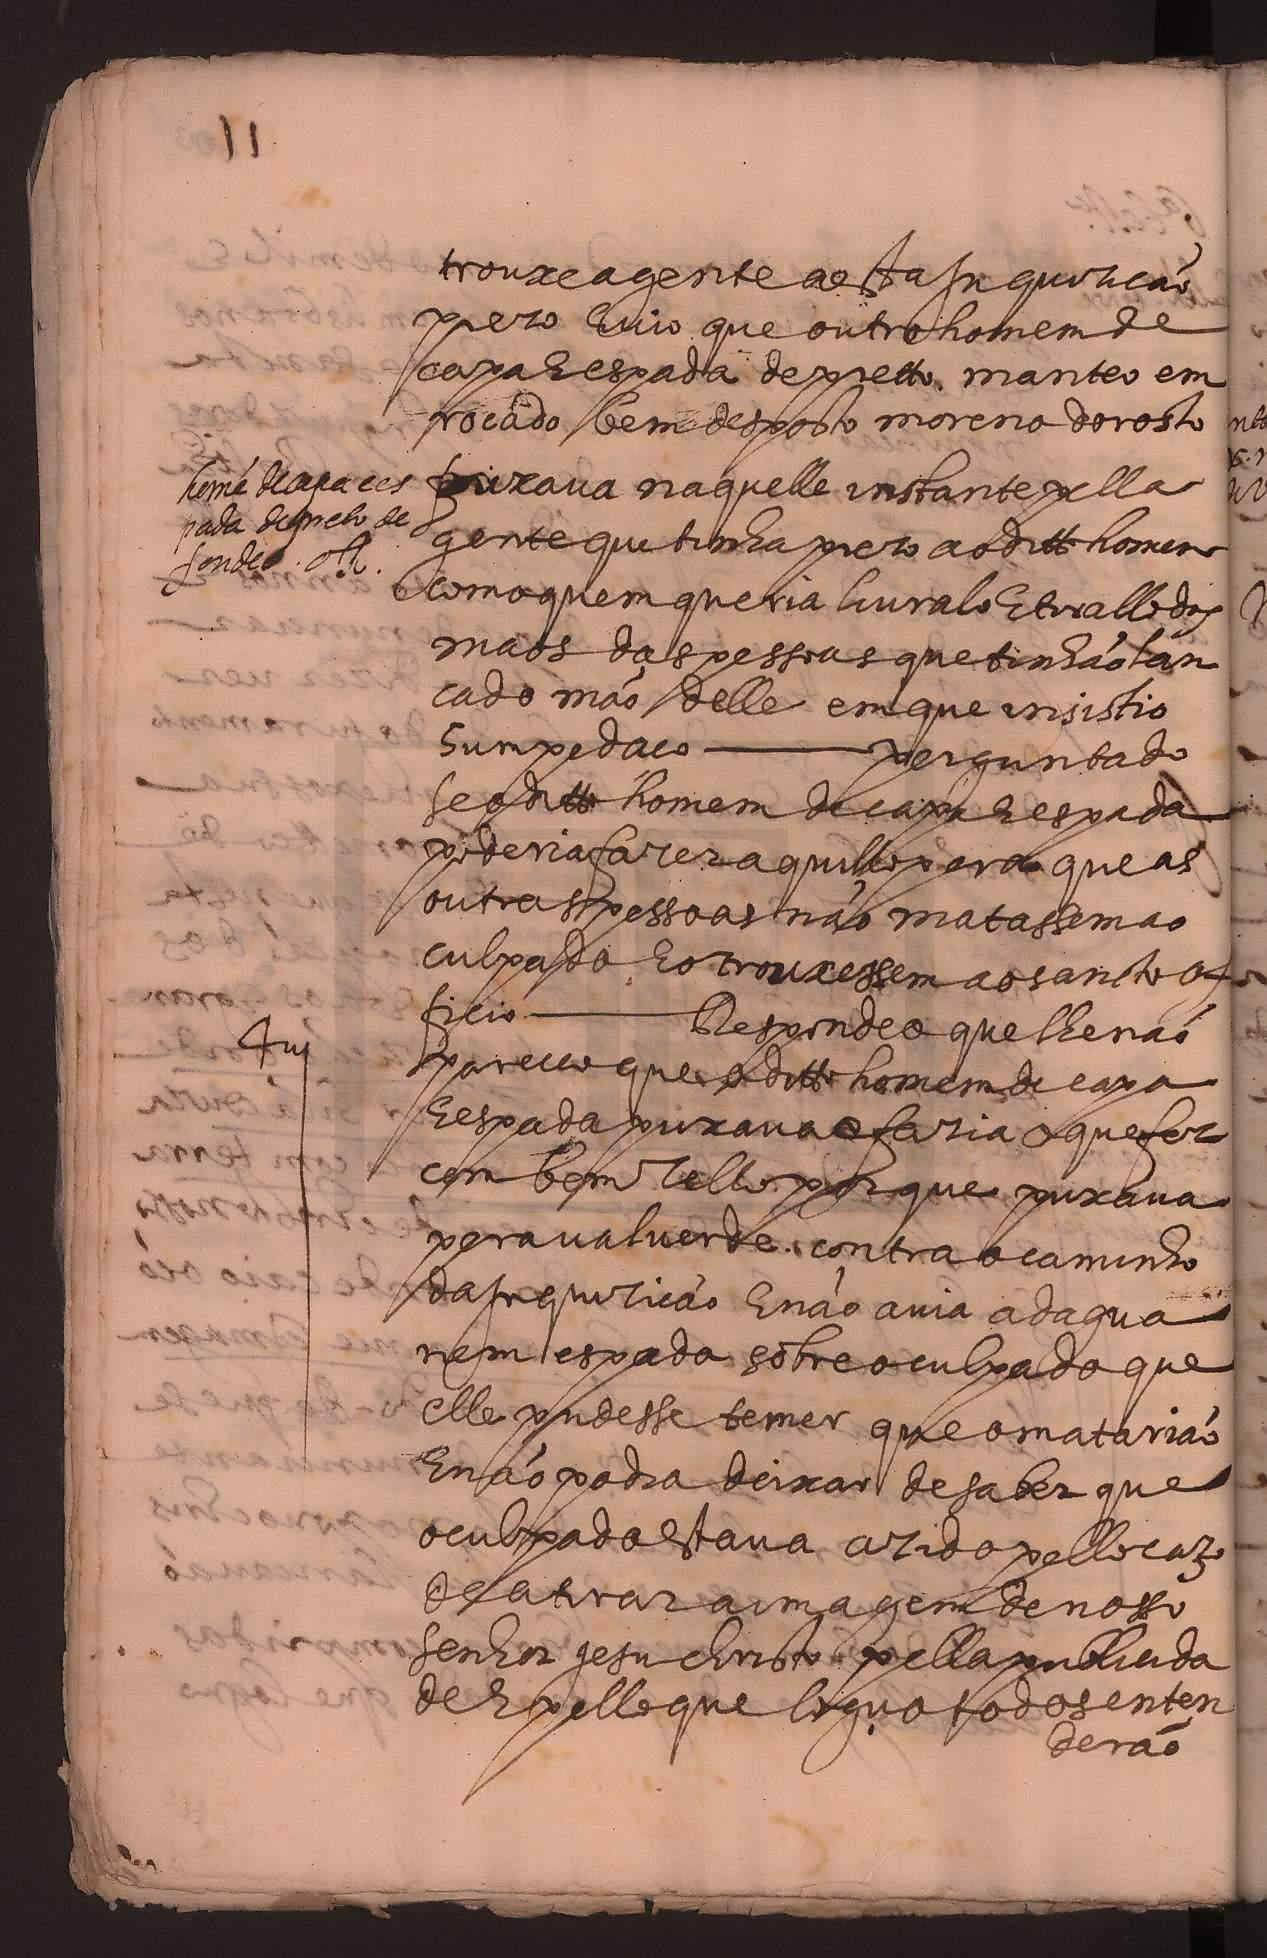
trouxe a gente a esta Jnquisiçaõ
prezo E uio que outro homem de
capa E espada de pretto manteo em
roçado bem desposto moreno do rosto
puxaua naquelle instante pella
homē de capa e es
pada de preto de
fende o R.
gente que tinha prezo ao ditto homem
com a quem queria liuralo E tirallo das
maos das pessoas que tinhaõ lan
çado maõ delle em que insistio
hum pedaço
perguntado
se o ditto homem de caxa E espada
poderia fazer aquillo para que as
outras pessoas naõ matassem ao
culpado E o trouxessem ao sancto of
ficio
Respondeo que lhe naõ
pareceo que o ditto homem de capa
E espada puxaua e fazia o que fez
com bom zello porque puxaua
pera ualuerde contra o caminho
da Jnquiziçaõ E não auia adagua
nem espada sobre o culpado que
elle pudesse temer que o matariaõ
E naõ podia deixar de saber que
o culpado estaua azido pello cazo
de atirar a imagem de nosso
senhor Jesu christo pella publicida
de E pello que loguo todos enten
deraõ
